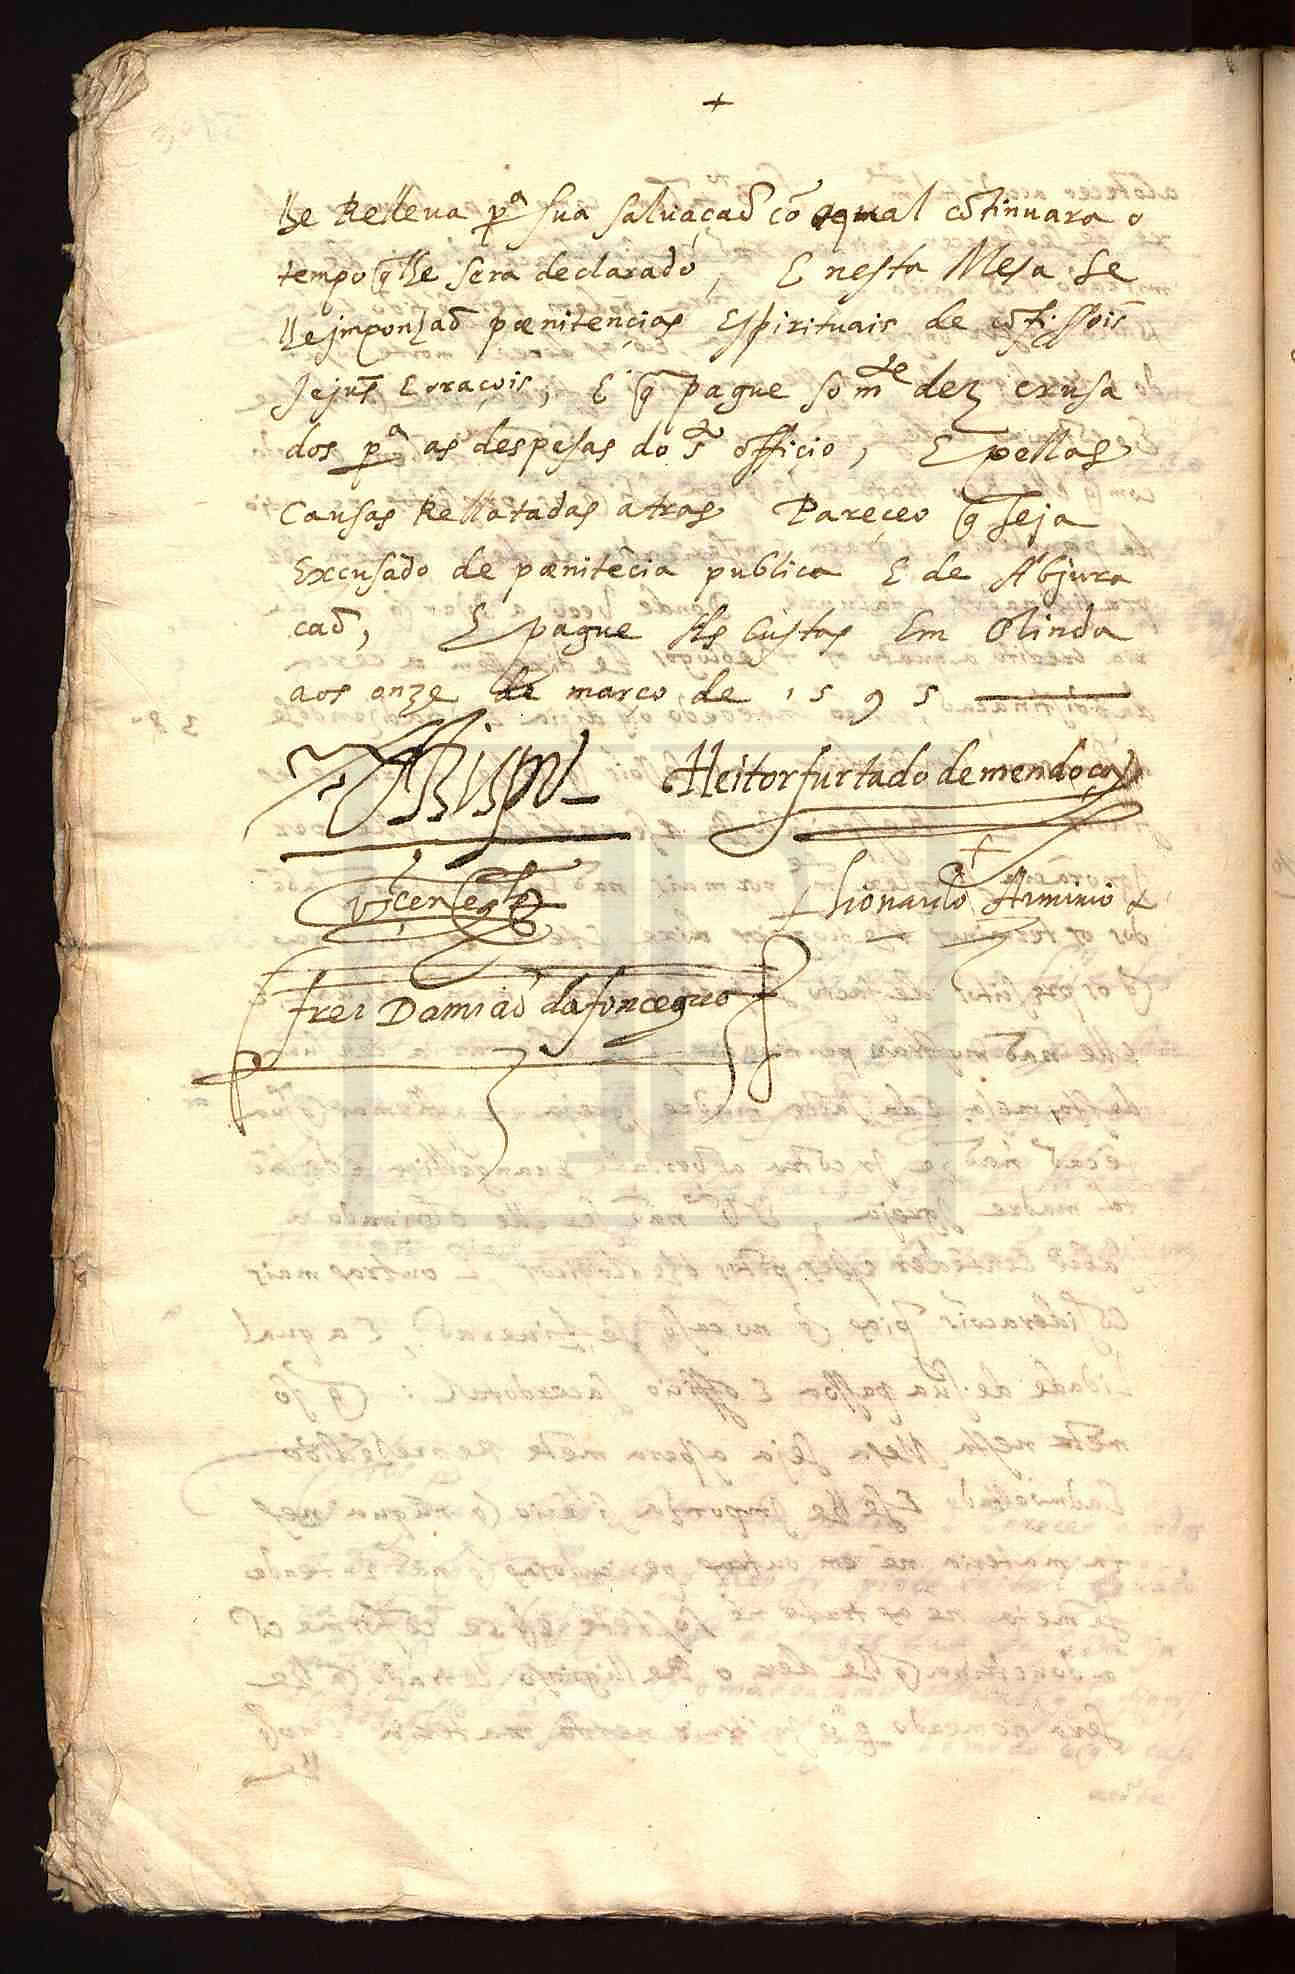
lhe Relleua ꝑa sua saluação cō o qual cōtinuara o
tempo q̄ lhe sera declarado, E nesta Mesa se
lhe jmponhaõ pœnitencias Espirituais de cōfissoĩs
Jejūs E oraçois, E q̄ pague somte dez crusa
dos ꝑa as despesas do sto officio, E pellas
causas Rellatadas atras Pareceo q̄ seja
Excusado de pænitēcia publica E de Abjura
çaõ, E pague As custas Em Olinda
aos onze de março de 1595 -
Heitor furtado de mendoça
O Bispo
lionardo Arminio
Vicente glz̄
frei Damiaõ dafoncequa
